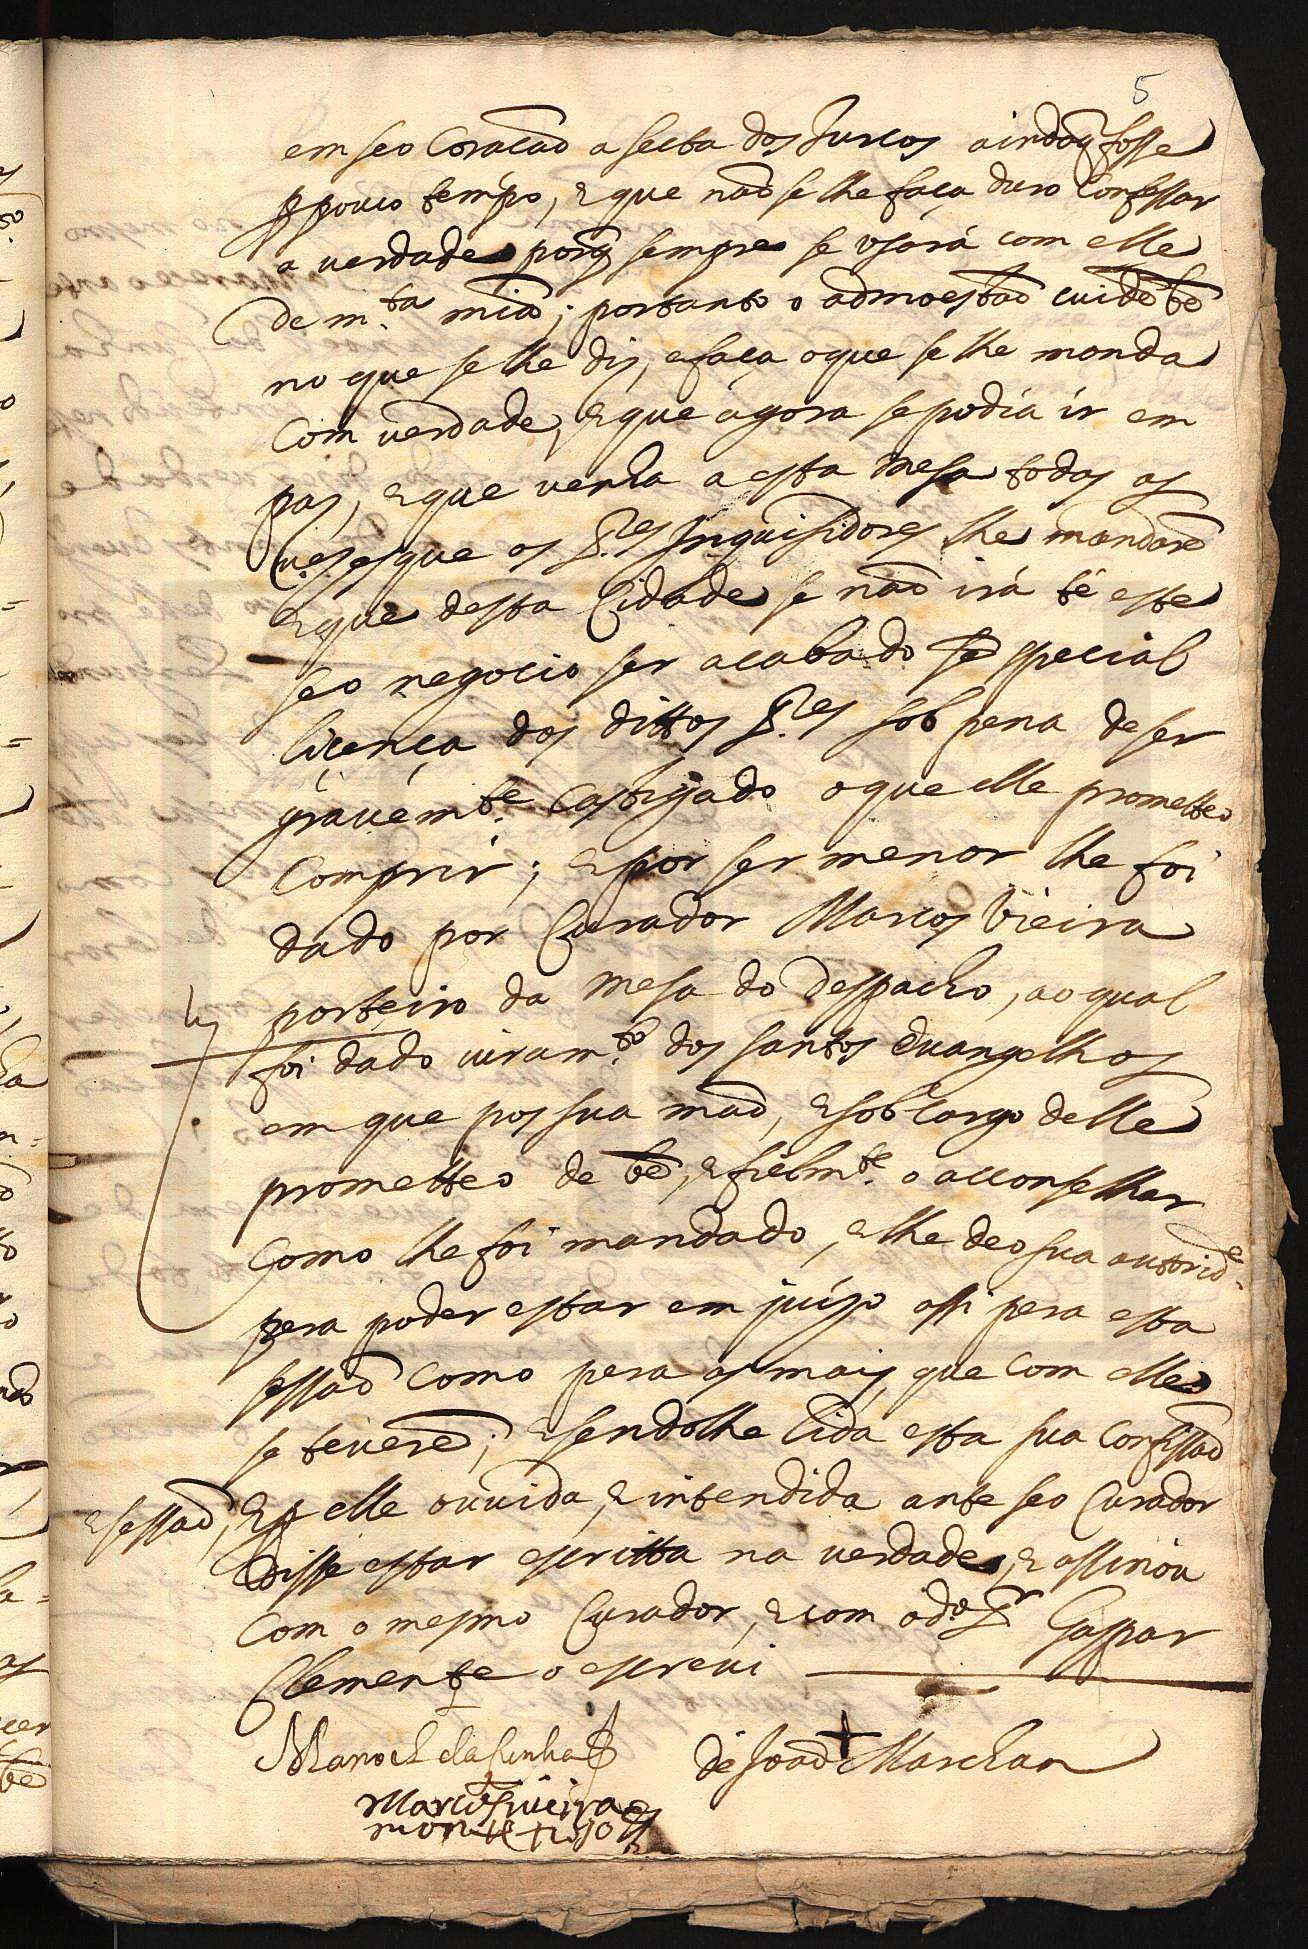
em seo coraçaõ a secta dos turcos aindo q̄ fosse
ꝑ pouco tempo, E que não se lhe faça duro confessar
a uerdade porq̄ sempre se usará com elle
de mta mīa; portanto o admoestão cuidē bē
no que se lhe diz, e faça o que se lhe manda
com uerdade, E que agora se podia ir em
paz, E que uenha a esta mesa todas as
uezes que os s.res Jnquisidores lhe mandarē
E que desta Cidade se não irá té este
seo negocio ser acabado sē special
licença dos dittos s.res sob pena de ser
grauemt.e castigado o que elle prometteo
comprir; E por ser menor lhe foi
dado por Curador Marcos Vieira
porteiro da mesa do despacho, ao qual
foi dado iuramto dos santos euangelhos
em que pos sua mão, E sob cargo delle
prometteo de bē e fielm.te o acconselhar
como lhe foi mandado, E lhe deo sua autoride.
pera poder estar em juizo assi pera esta
sessaõ, como pera as mais, que com elle
se teuerē, E sendolhe lida esta sua confissão
E sessaõ
E ꝑ elle ouuida, e intendida ante seo Curador
disse estar escritta na uerdade, E assinou
com o mesmo Curador, E com o d.o s.r Gaspar
Clemente o escreui
Manoel da Cunha
de Joaõ Marchan
Marcos uieira
monteRojo
